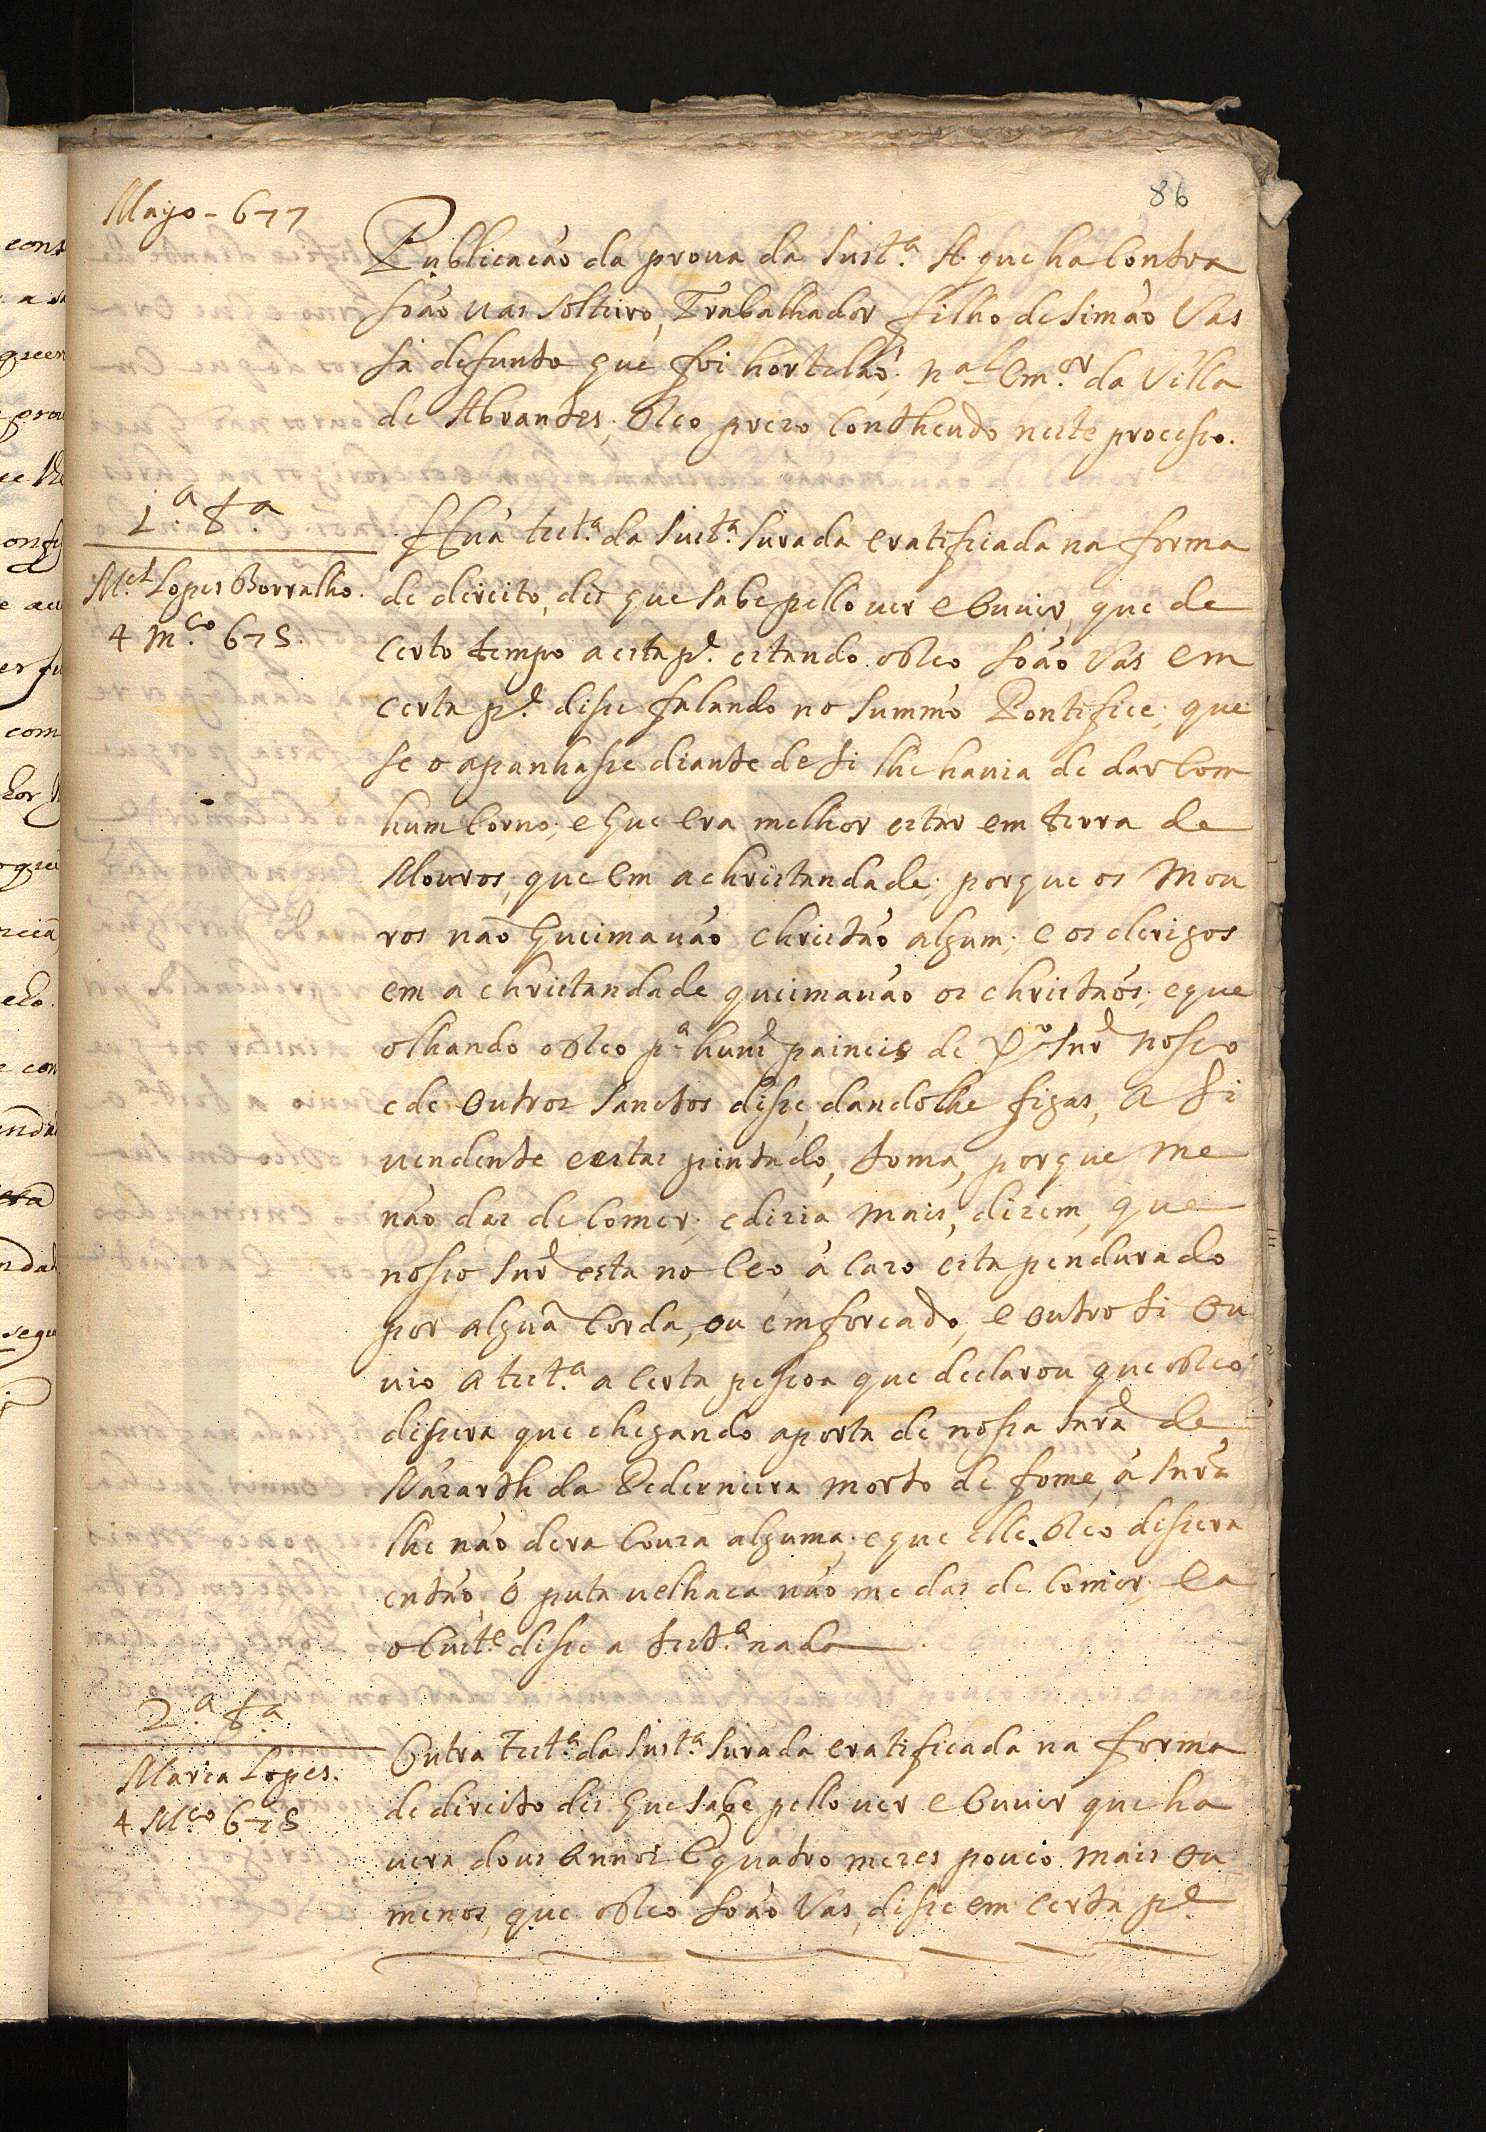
Mayo - 677
Publicaçaõ da proua da Iust.a A. que ha contra
Joaõ uas solteiro, Trabalhador filho de Simaõ Vas
já defunto que foi hortelaõ; n.al e m.or da Villa
de Abrantes; Reo prezo contheudo neste processo.
1.a t.a
Huā test.a da Iust.a Iurada e ratificada na forma
M.el Lopes Borralho
de direito, dis que sabe pello uer e ouuir, que de
4 m.co 675
certo tempo a esta p.e estando o Reo Ioaõ Vas em
certa p.e disse falando no Summo Pontifice; que
se o apanhasse diante de si lhe hauia de dar com
hum Corno; e Que era melhor estar em terra de
Mouros, que em a christandade; porque os mou
ros não queimauaõ christaõ algum; e os clerigos
em a christandade queimauaõ os christaõs; e que
olhando o Reo p.a huns paineis de Xo snr̄ nosso
e de Outros Sanctos disse, dandolhe figas, a ti
uendente, e estas pintado, toma, porque me
não das de Comer, e dizia mais, dizem, que
nosso snr̄ esta no Ceo, ácazo esta pendurado
por alguā corda, ou emforcado, e outrosi ou
uio a test.a a certa pessoa que declarou que o Reo
dissera que chegando a porta de nossa Snrā de
Nazarth da Pederneira morto de fome, à Snrā
lhe naõ dera couza alguma, e que elle Reo dissera
entaõ, ó puta uelhaca naõ me das de Comer; e a
o Cust.e disse a test.a nada
2.a t.a
Outra test.a da Iust.a Iurada e ratificada na forma
Maria Lopes.
de direito dis que sabe pello uer e Ouuir que ha
4. M.co 675
uera dous annos E quatro mezes pouco mais ou
menos, que o Reo Joaõ Vas, disse em certa p.e
